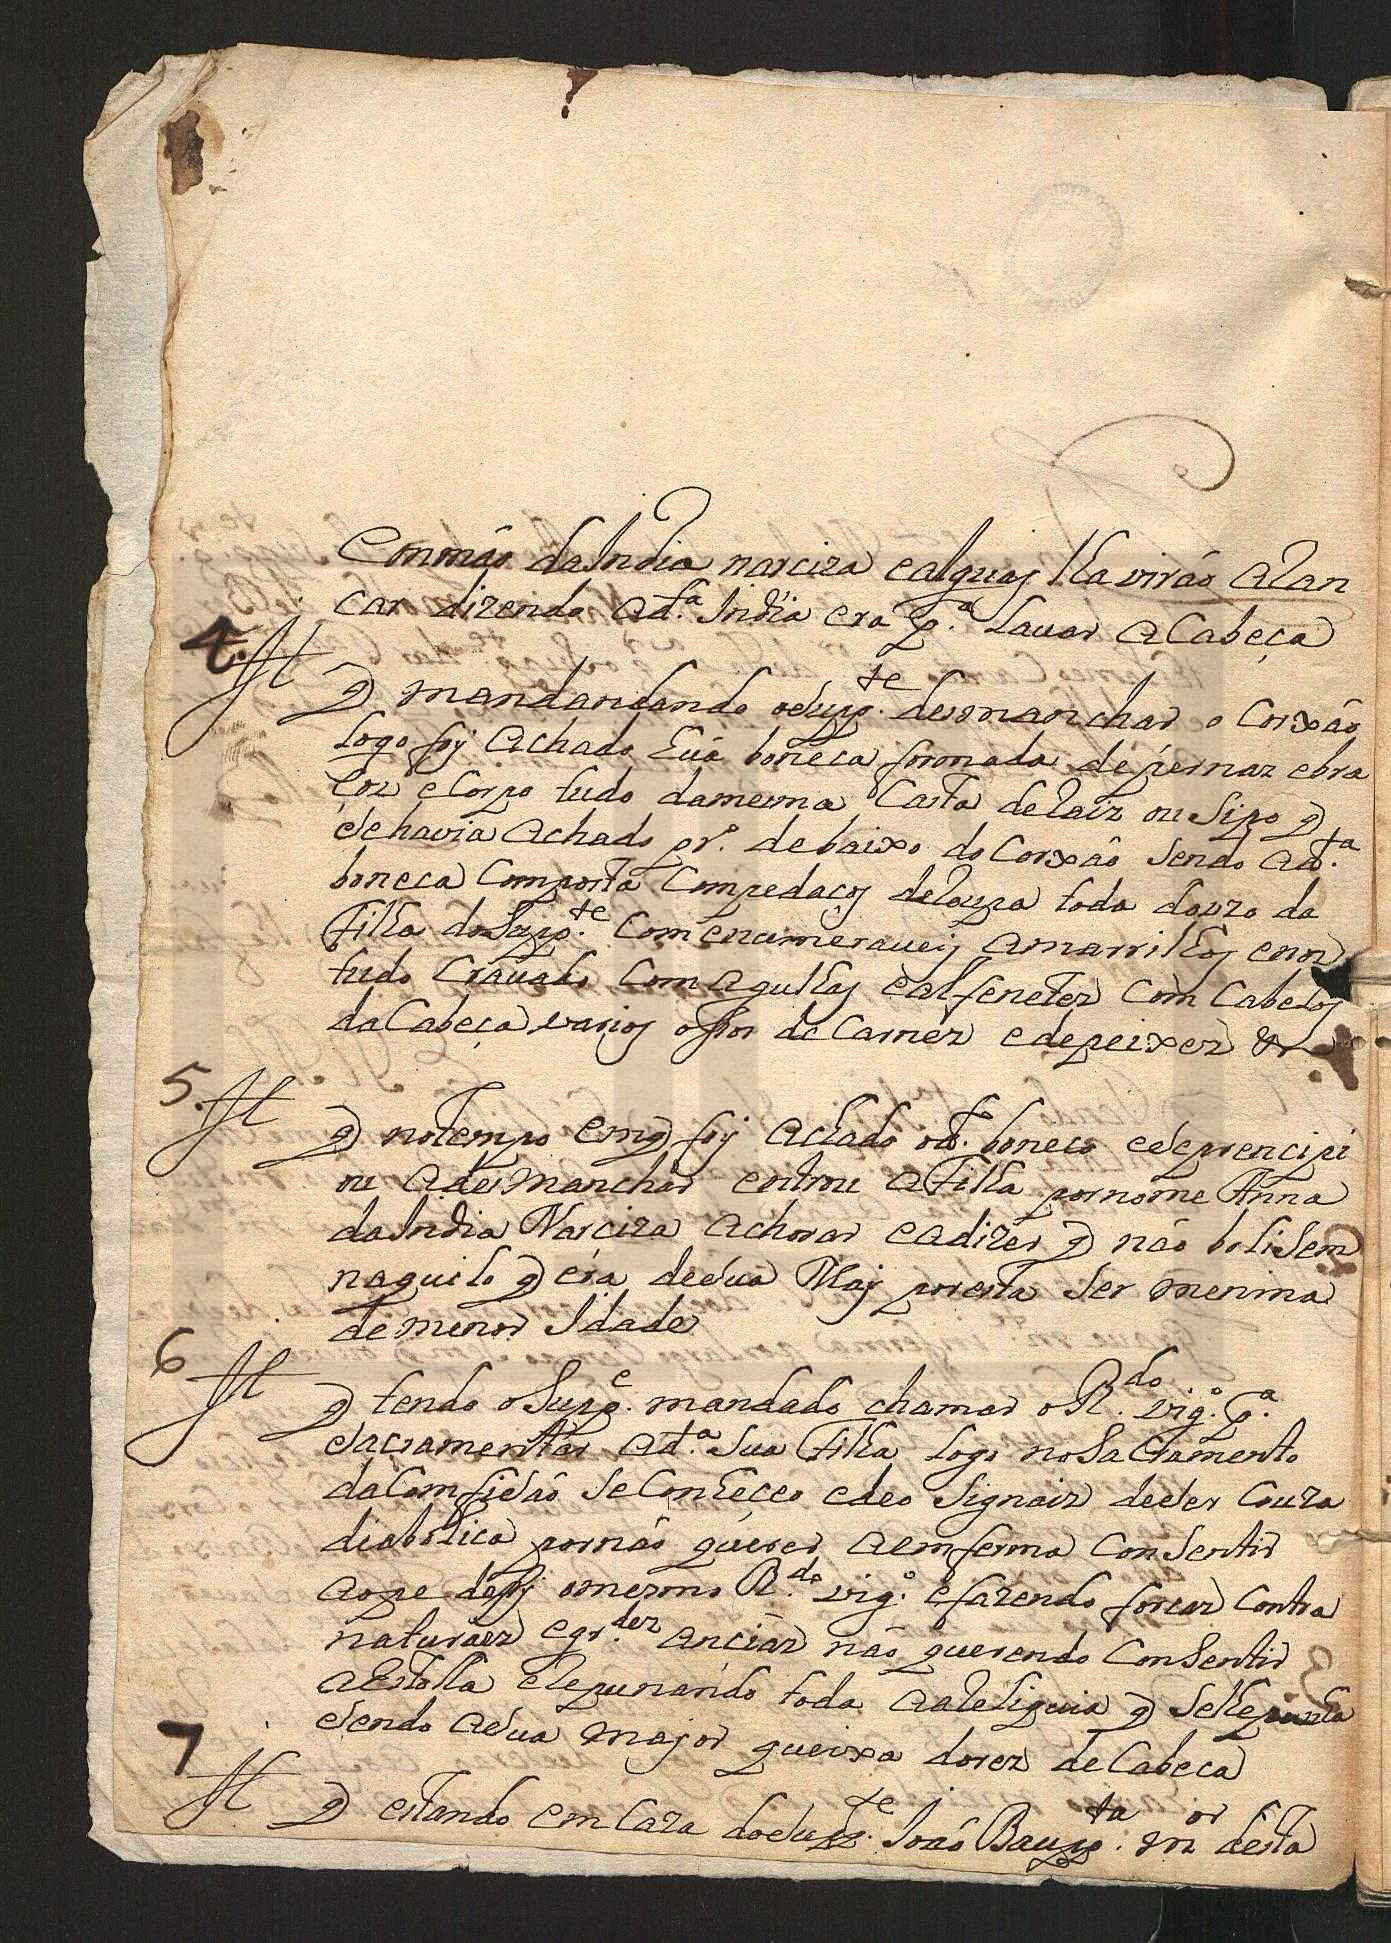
4. item
5. item
6 item
7 item
em mão da India narciza e alguas lha virão aRan
car dizendo a dt.a India era p.a Lavar a Cabeça
q̄ mandandando o supp.te desmanchar o corxaõ
logo foy achado huā boneca formada de pernaz e bra
çoz e corpo tudo da mesma Casta de Raiz ou sipo q̄
se havia achado pr.o debaixo do corxaõ sendo a dt.a
boneca composta com pedaços de Roupa toda do uzo da
Filha do Supp.te com enumeraveis amarrilhos e noz
tudo crauado com agulhas e alfenetez com cabelos
da Cabeça varios ossos de carnez e de peixes &a
q̄ no tempo em q̄ foy achado o dt.o boneco e se prencipi
ou a desmanchar entrou a Filha por nome Anna
da India Narçiza a chorar e a dizer q̄ naõ bolisem
naquilo q̄ era de sua May por esta ser menina
de menor Idade
q̄ tendo o Supp.e mandado chamar o R.do vig.o p.a
sacramentar a d.ta sua Filha logo no Sacramento
da Comfisaõ se Conheçeo e deo Signaiz de ser couza
diabolica por naõ querer a emferma conSentir
ao pe de sy o mesmo R.do vig.o e fazendo forcaz contra
naturaez e gr.dez ançiaz naõ querendo conSentir
a Estolla e Repunando toda a aReliquia q̄ se lhe punha
sendo a sua major queixa dorez de Cabeca
q̄ estando em Caza do supp.te Ioaõ Baupp.ta mor desta
